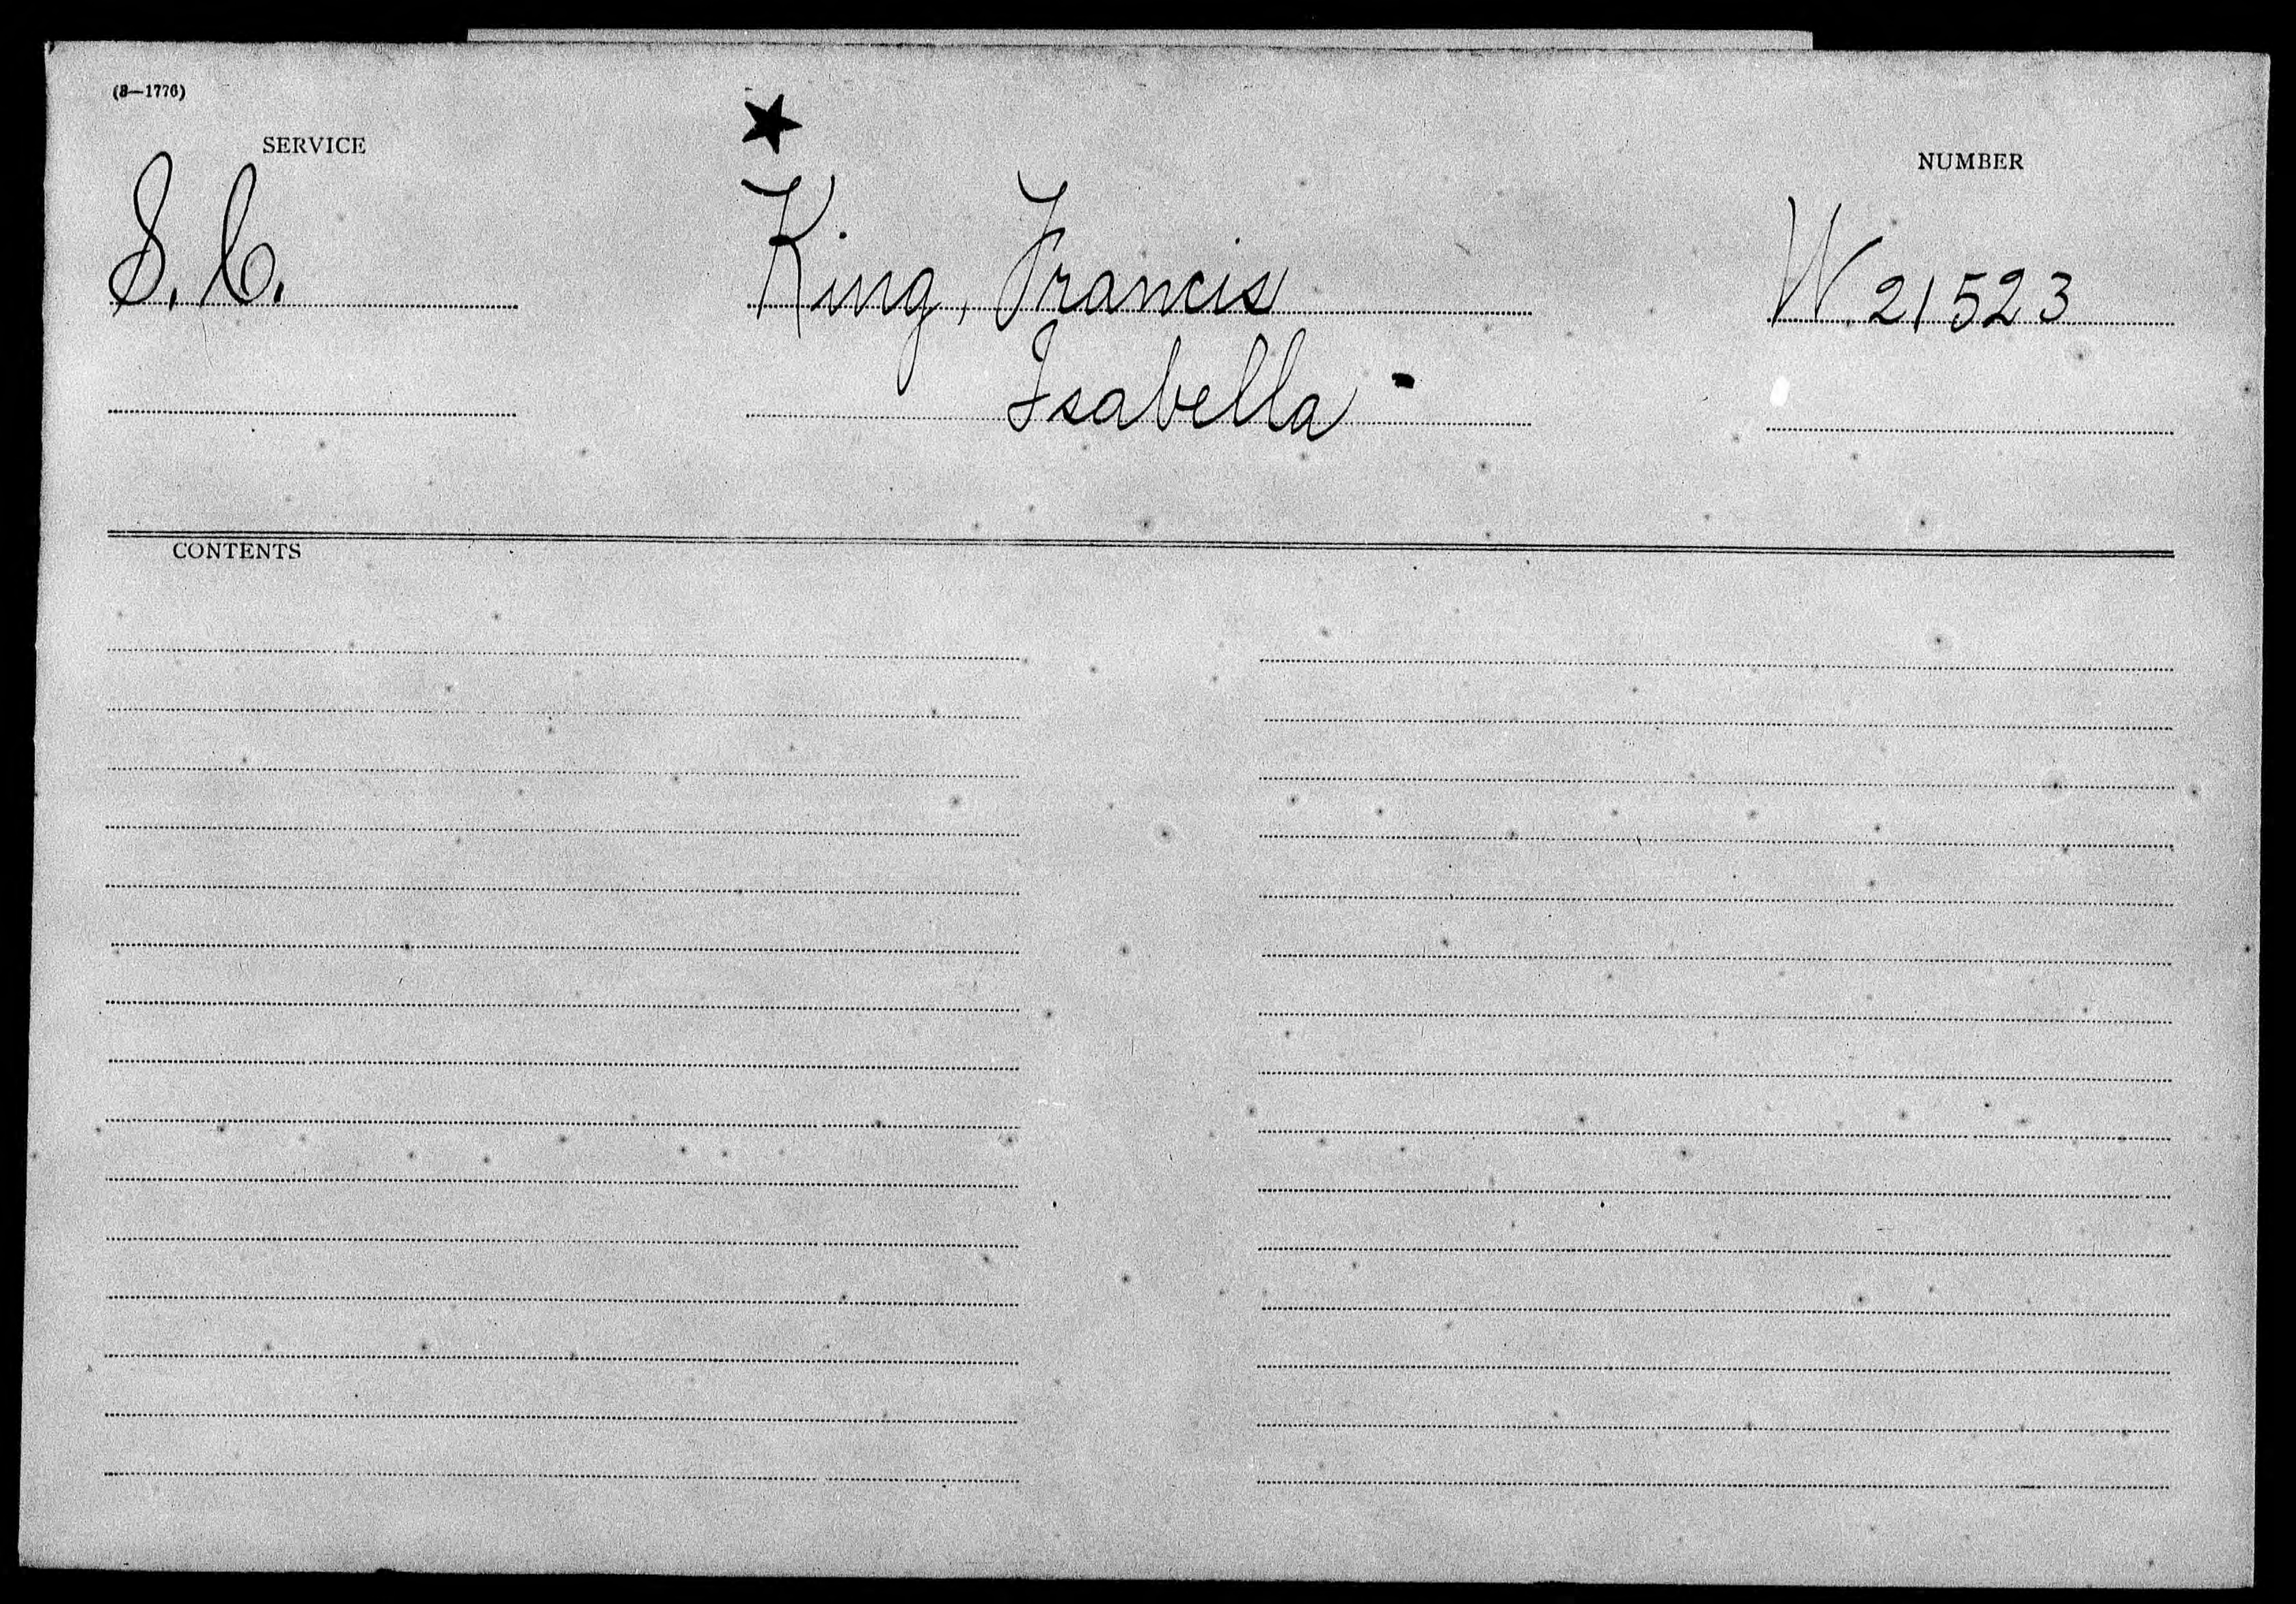(3-1776)

SERVICE | NUMBER 
S.C. | ⭐️King, Francis | W. 21523
Isabella 

CONTENTS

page: 1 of 10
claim: widow's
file: W. 21523, for Francis King, South Carolina